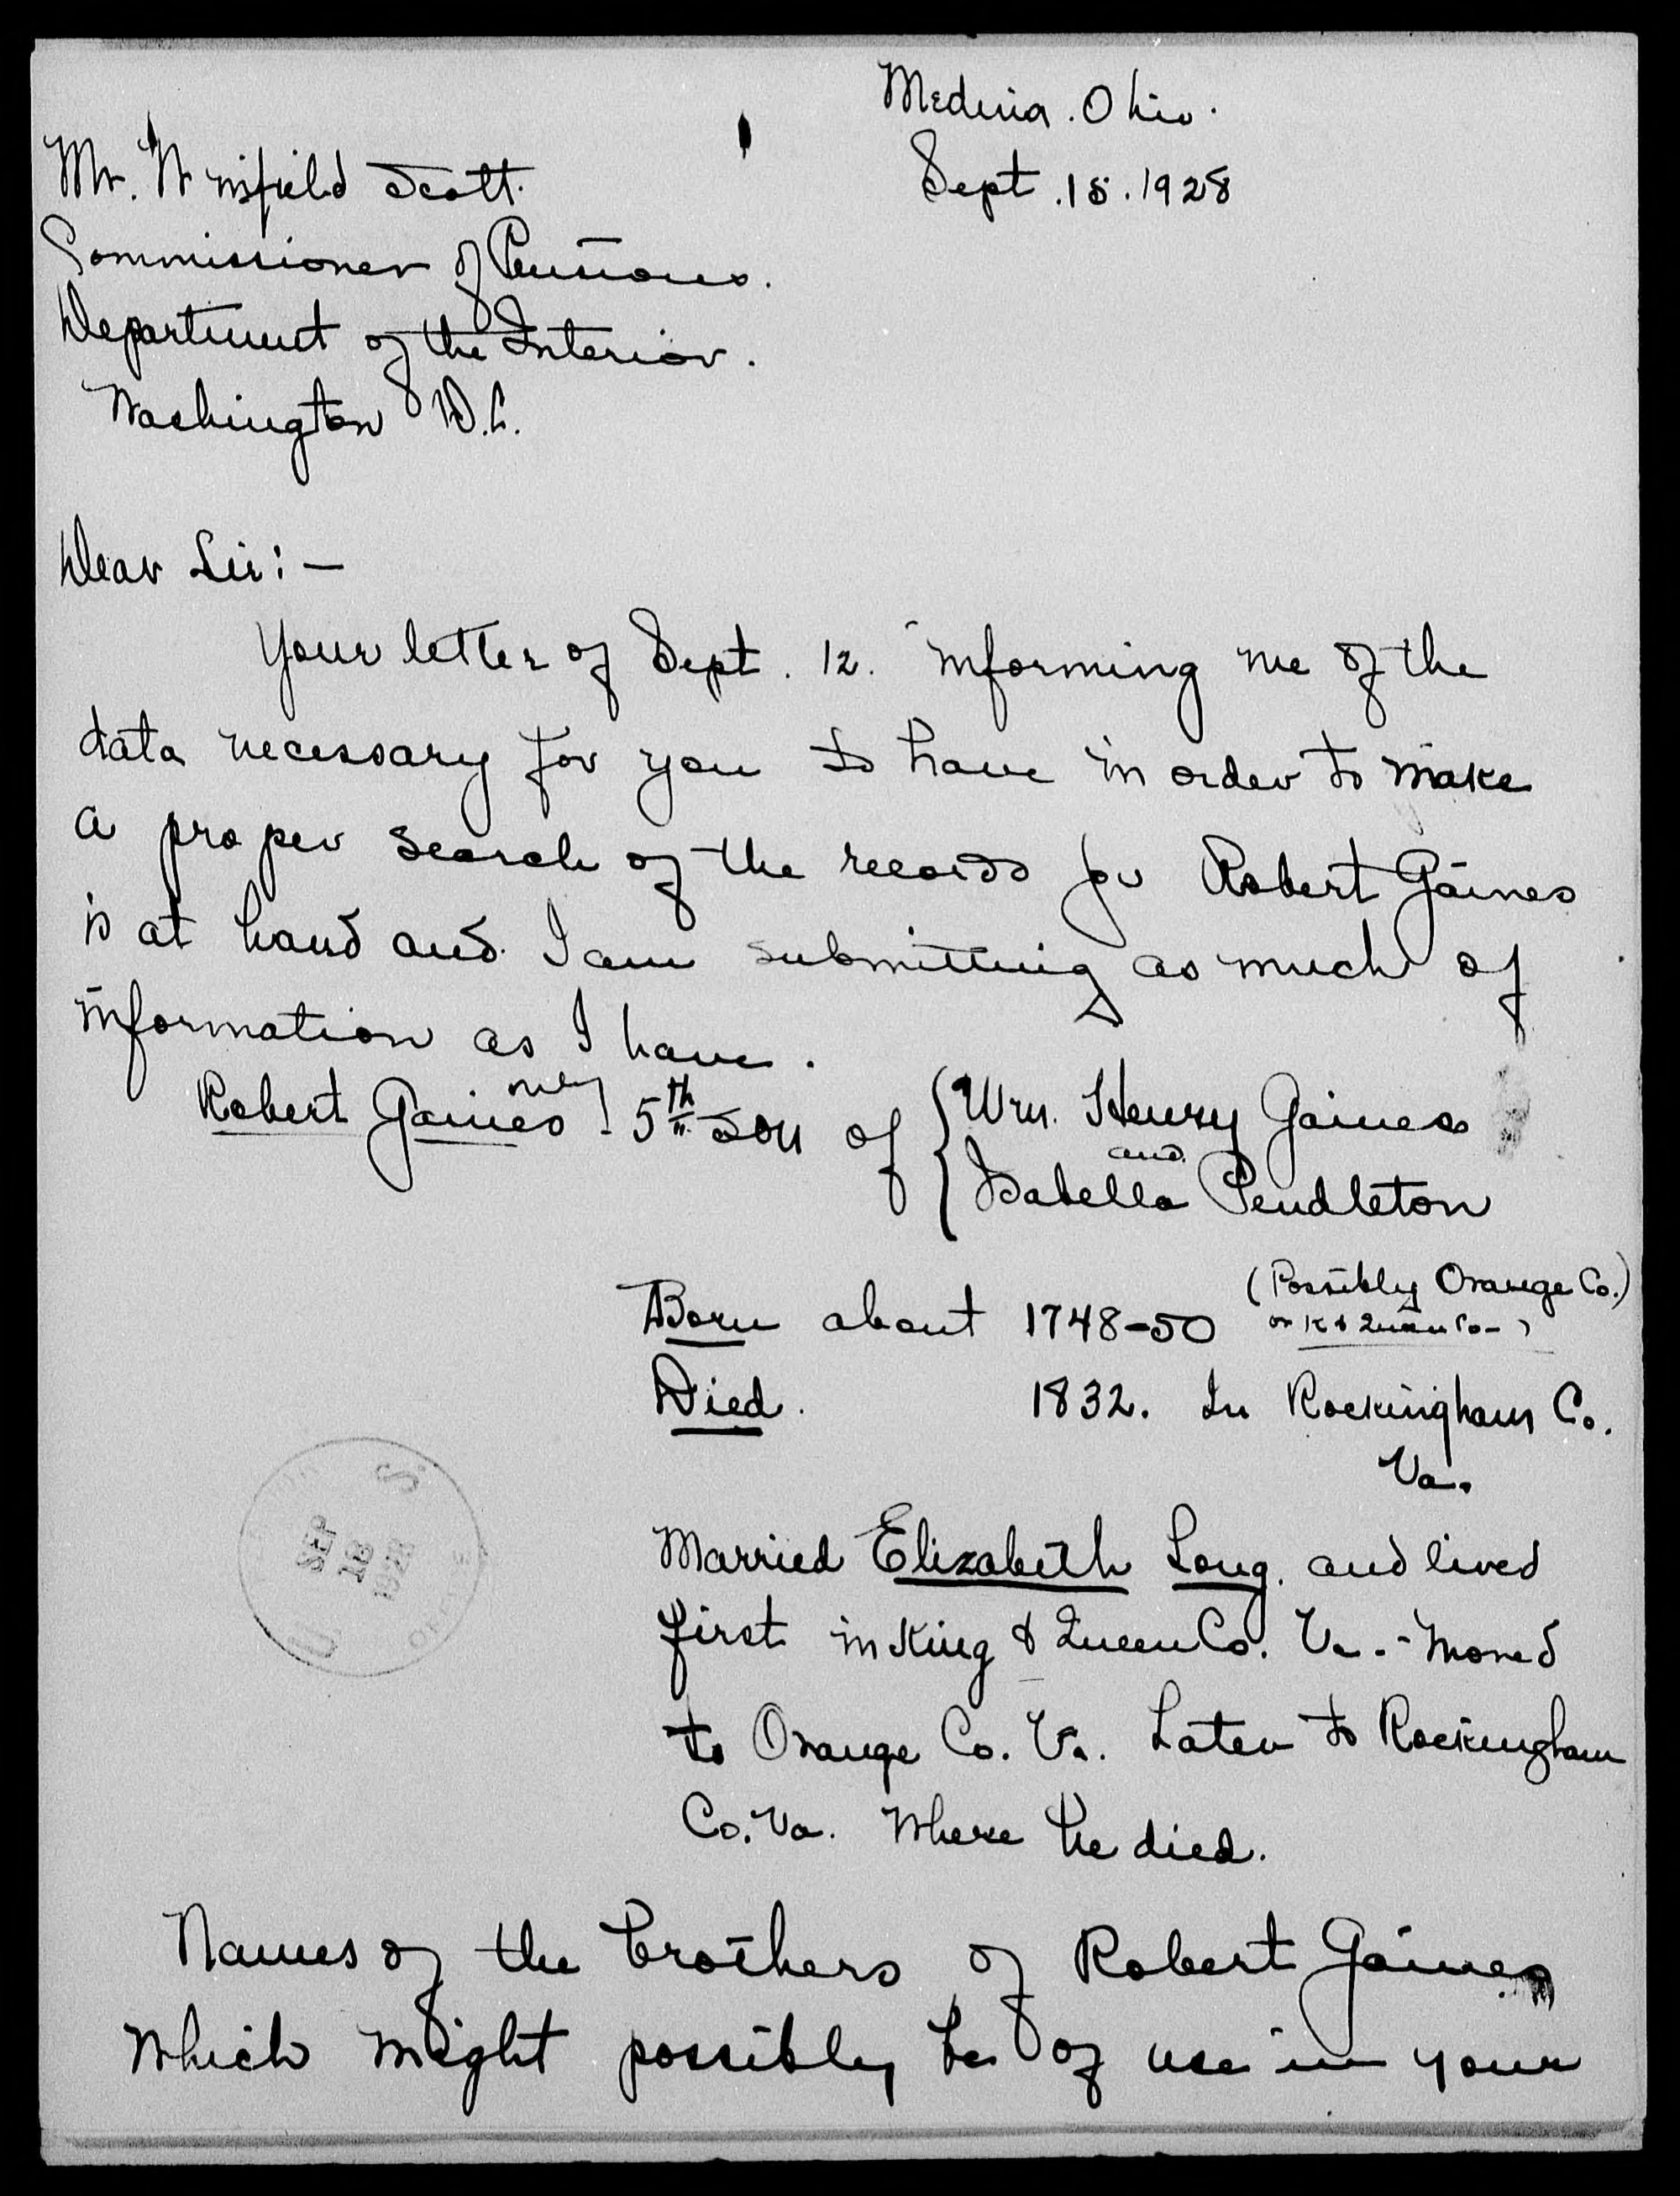Medina, Ohio
Sept 18, 1928
Mr. Winfield Scott
Commissioner of Pensions.
department of the Interior.
Washington D.C.
Dear Sir:-
Your letter of Sept. 12. informing me of the
Data necessary for you to have in order to make
proper search of the record Robert Gaines
is at hand and I am submitting as much of
formation as I have.
Robert James 5th son of
Wm. Henry Gaines
Isabella Pendleton
Born about 1748-50 (Possibly Orange Co. or K & Queen Co.)
Died. 1832. In Rockingham Co. Va.
Married Elizabeth Long and lived
first in King & Queen Co. Va. - moved
to Orange Co. Va. Later to Rockingham
Co. Va. where he died.
Names of the brothers of Robert James
which might possibly be of use in your

U. S. PENSION OFFICE
SEP
28
1928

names: Isabella Pendleton, Wm Henry Gaines, Robert Gaines, Robert Gaines, Elizabeth Long, Winfield Scott, Robert Gaines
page: 41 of 79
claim: rejected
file: R. 3863, Robert Gaines, Va.